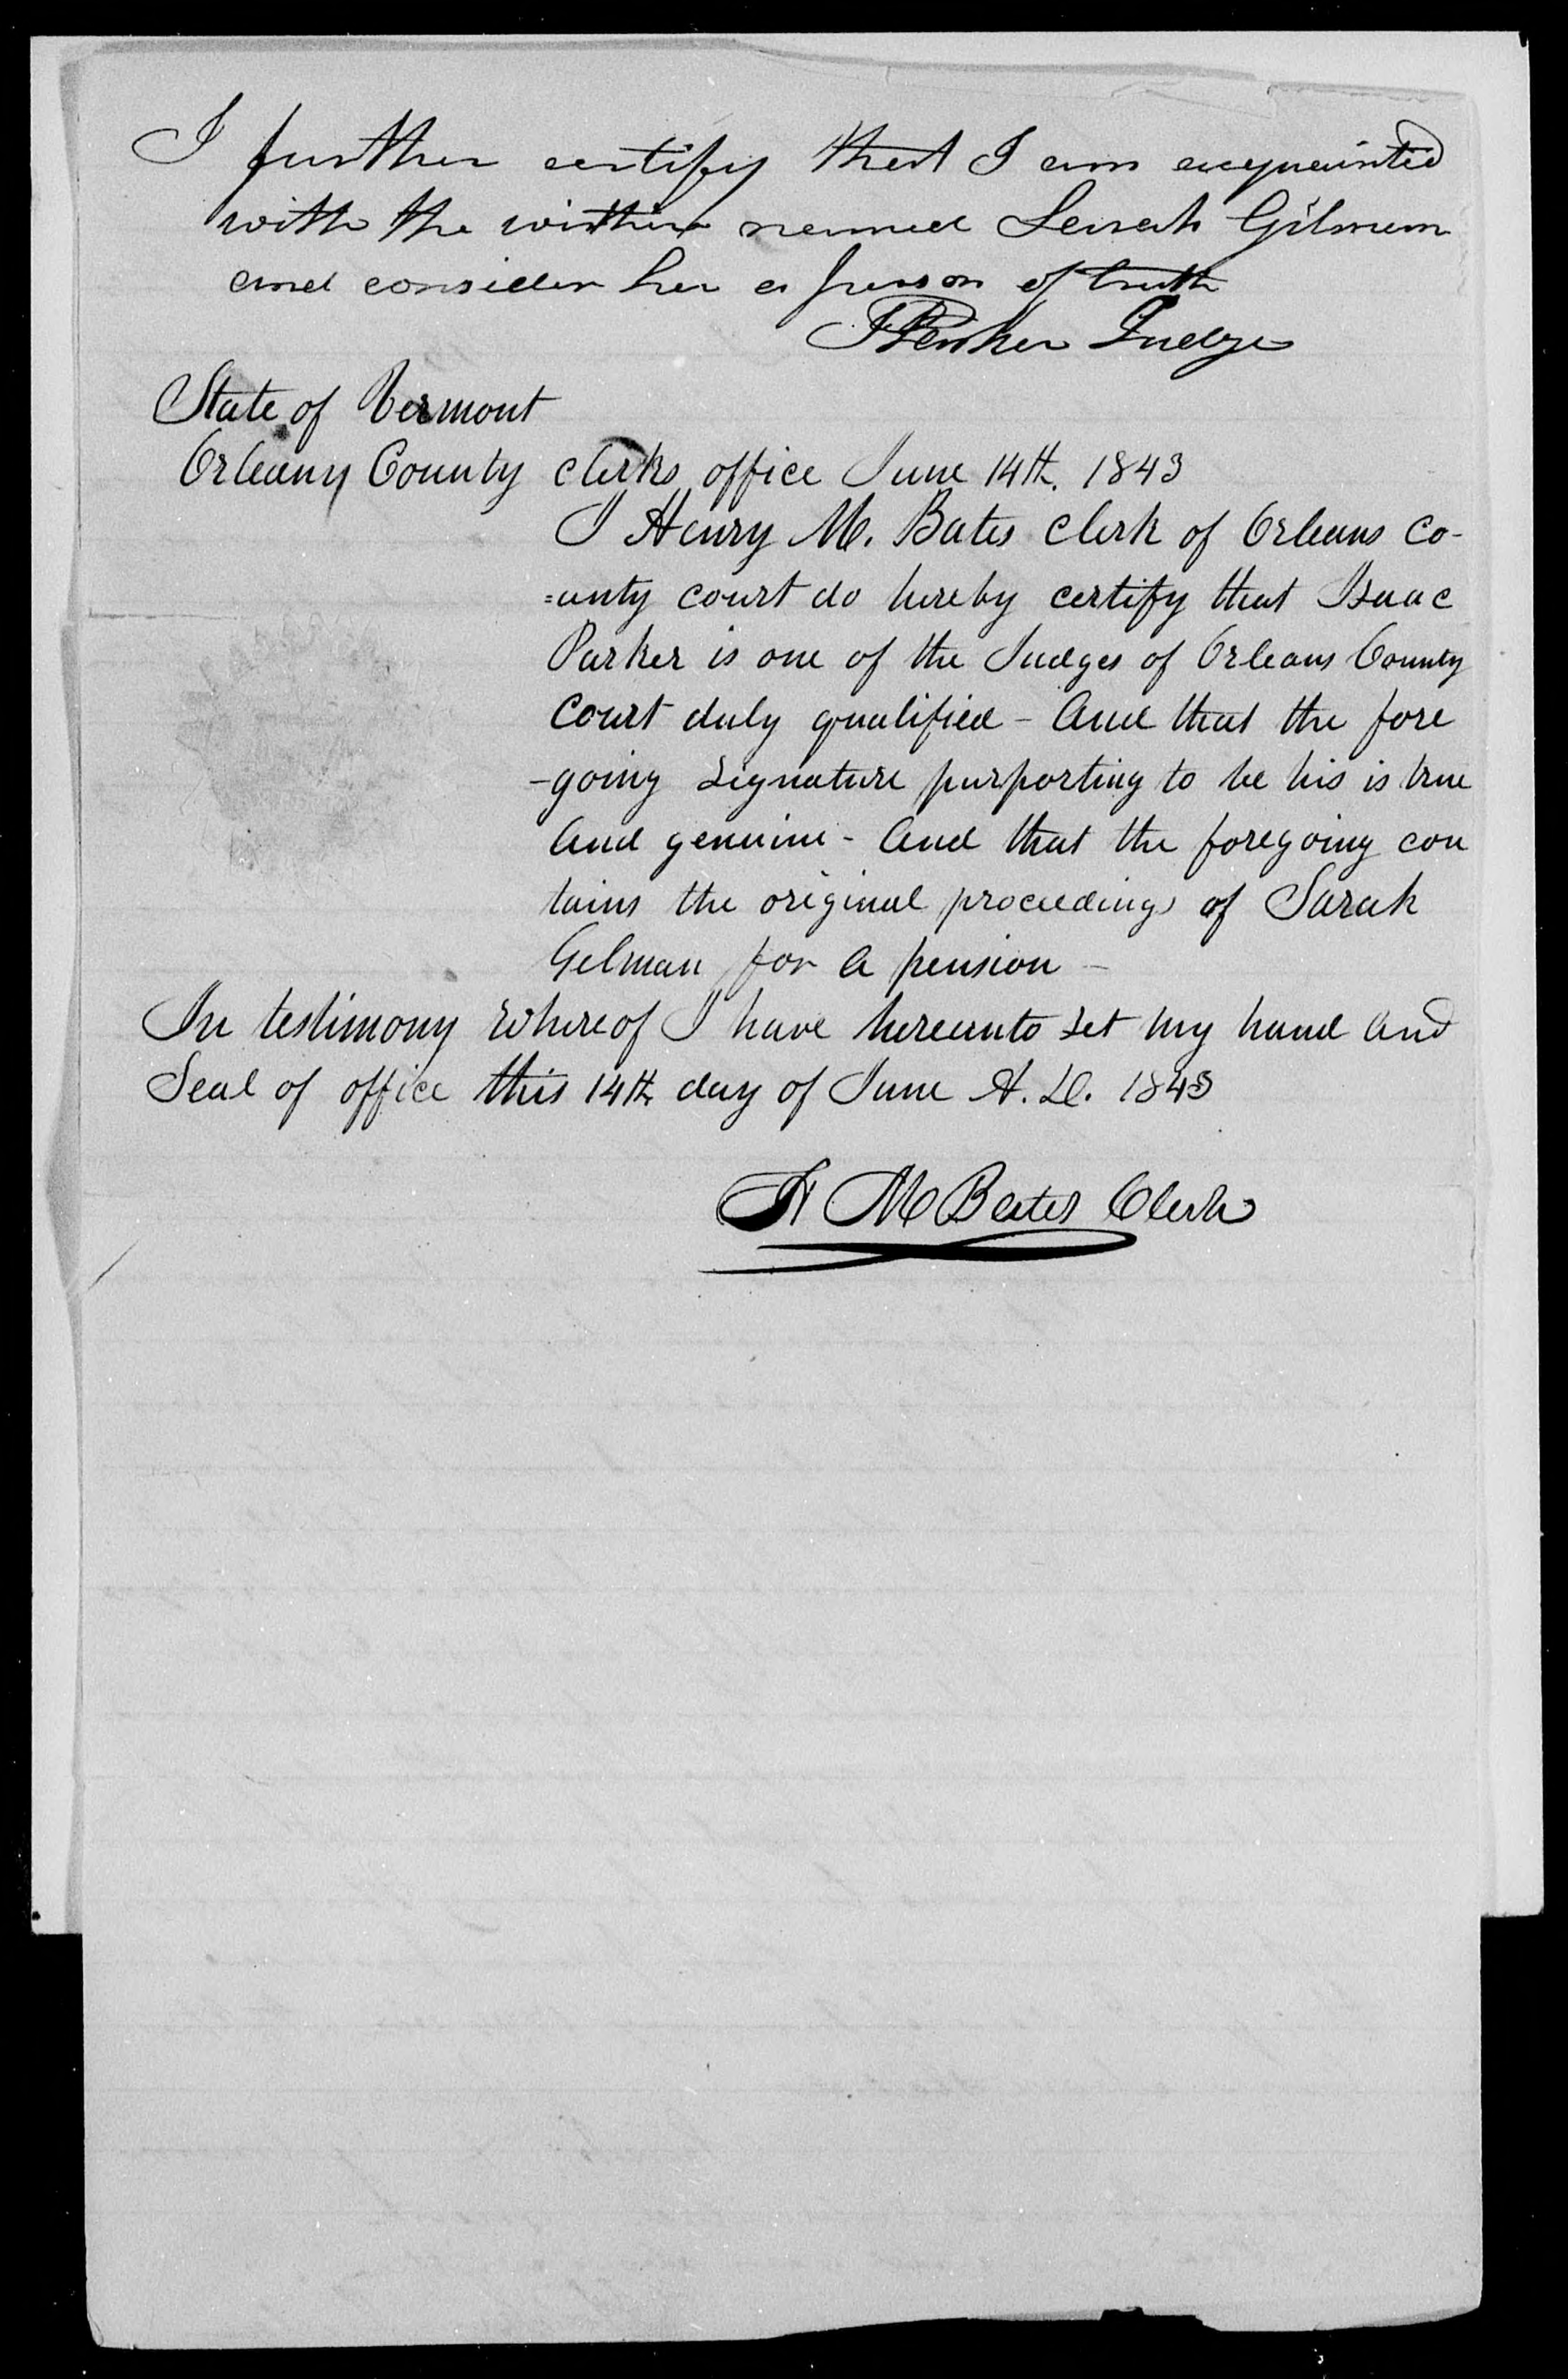I further certify that I am acquainted witgh the within named Sarah Gilman and consider her a person of truth
I Parker Judge

State of Vermont
Orleans County clerks office June 14th 1843
I Henry M Bates clerk of Orleans County court do hereby certify that Isaac Parker is one of the Judges of Orleans County Court duly qualified - And that he foregoing signature purporting to be his is true and genuine - And that the foregoing contains the original proceedings of Sarah Gilman for a pension -
In testimony whereof I have hereunto set my hand and Seal of office this 14th day of June A.D. 1843
H M Bates Clerk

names: Isaac Parker, Sarah Gilman, Sarah Gilman, I Parker, H M Bates, Henry M Bates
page: 6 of 61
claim: widow's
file: W. 19500, Samuel Thing Gilman, Continental N.H.